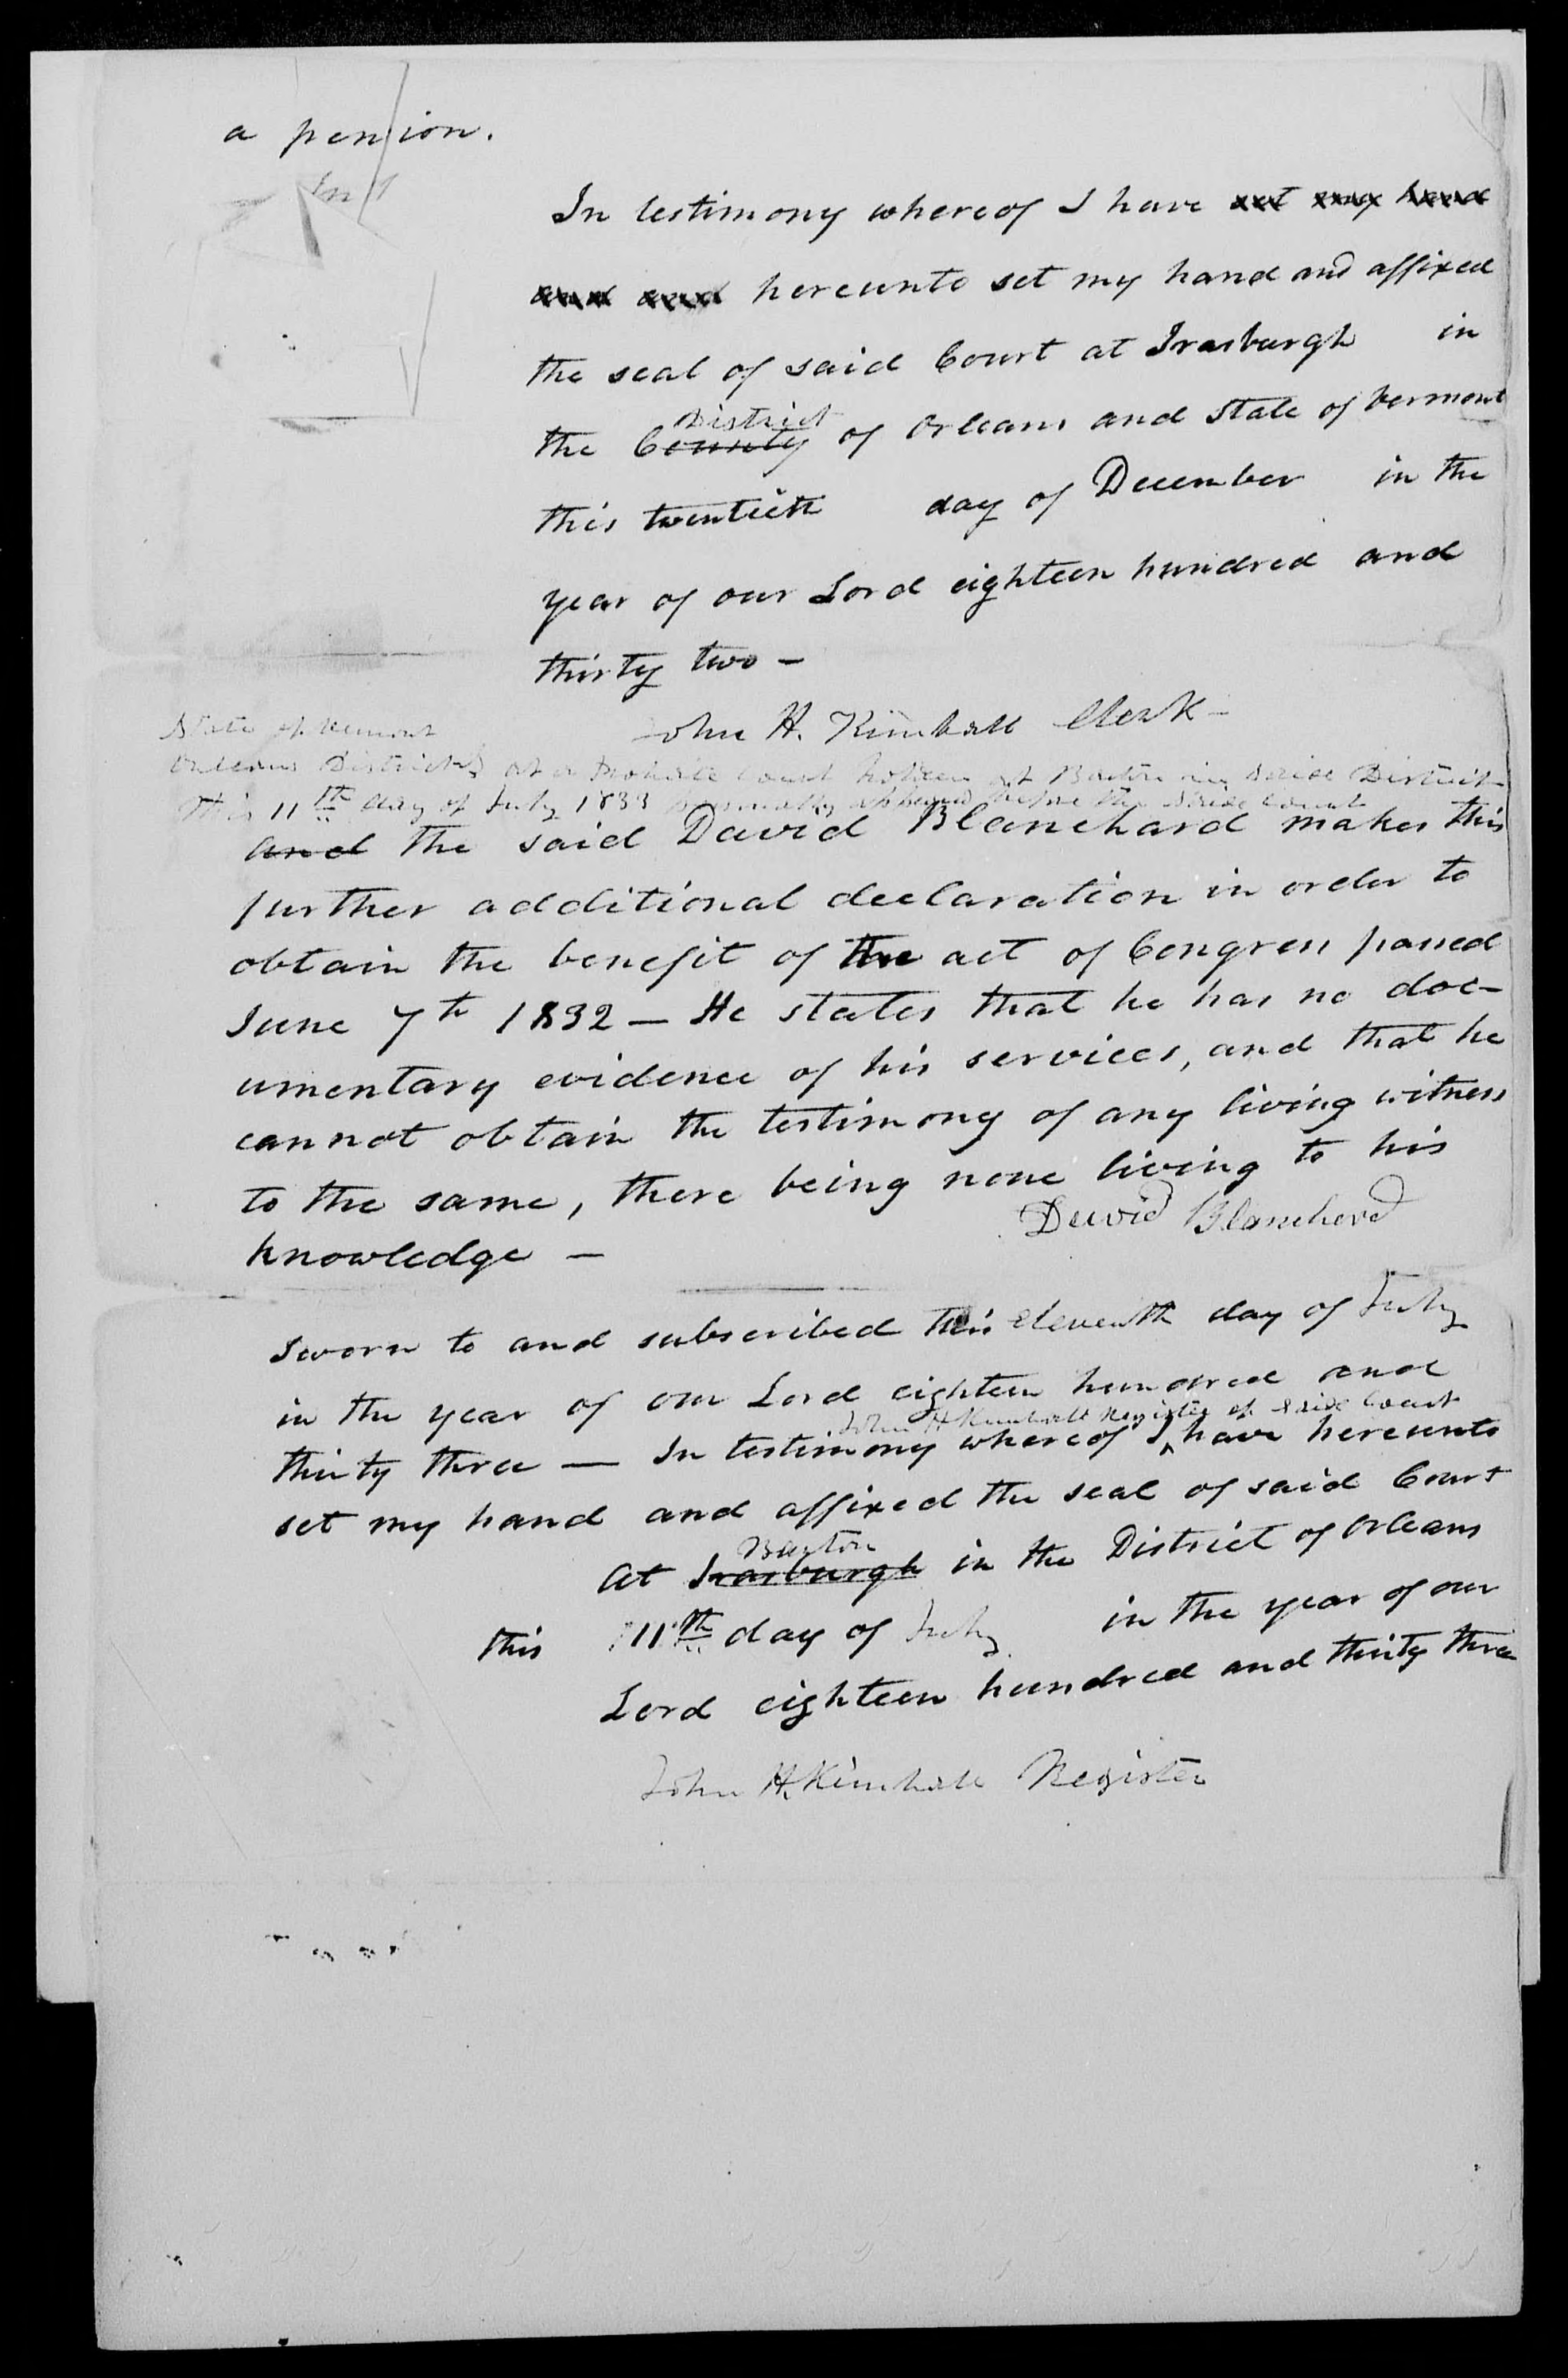a pension
In testimony whereof I have [illegible - crossed out] and hereunto set my hand and affixed the seal of said Court at Irasburgh in the District [County - crossed out] of Orleans and State of Vermont this twentieth day of December in the year of our Lord eighteen hundred and thirty two.
[signed] John H. Kimball Clerk

State of Vermont
Orleans District as a Probate Court holden at Barton in said District this 11th day of July 1833 personally appeared before the said court [and - crossed out] the said David Blanchard makes this further additional declaration in order to obtain the benefit of the act of Congress passed June 7th 1832. He states that he has no documentary evidence of his services, and that he cannot obtain the testimony of any living witness to the same, there being none living to his knowledge.
[signed] David Blanchard

Sworn to and subscribed this Eleventh day of July
in the year of our Lord eighteen hundred and thirty three. In testimony whereof I John H. Kimball Register of Said Court have hereunto
set my hand and affixed the seal of said Court
at [Irasburgh - crossed out] Barton in the District of Orleans this 11th day of July in the year of our
Lord eighteen hundred and thirty three.
[signed] John H. Kimball Register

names: David Blanchard, John H Kimball, John H Kimball, David Blanchard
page: 7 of 23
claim: survivor's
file: S. 12237, David Blanchard, N. H.